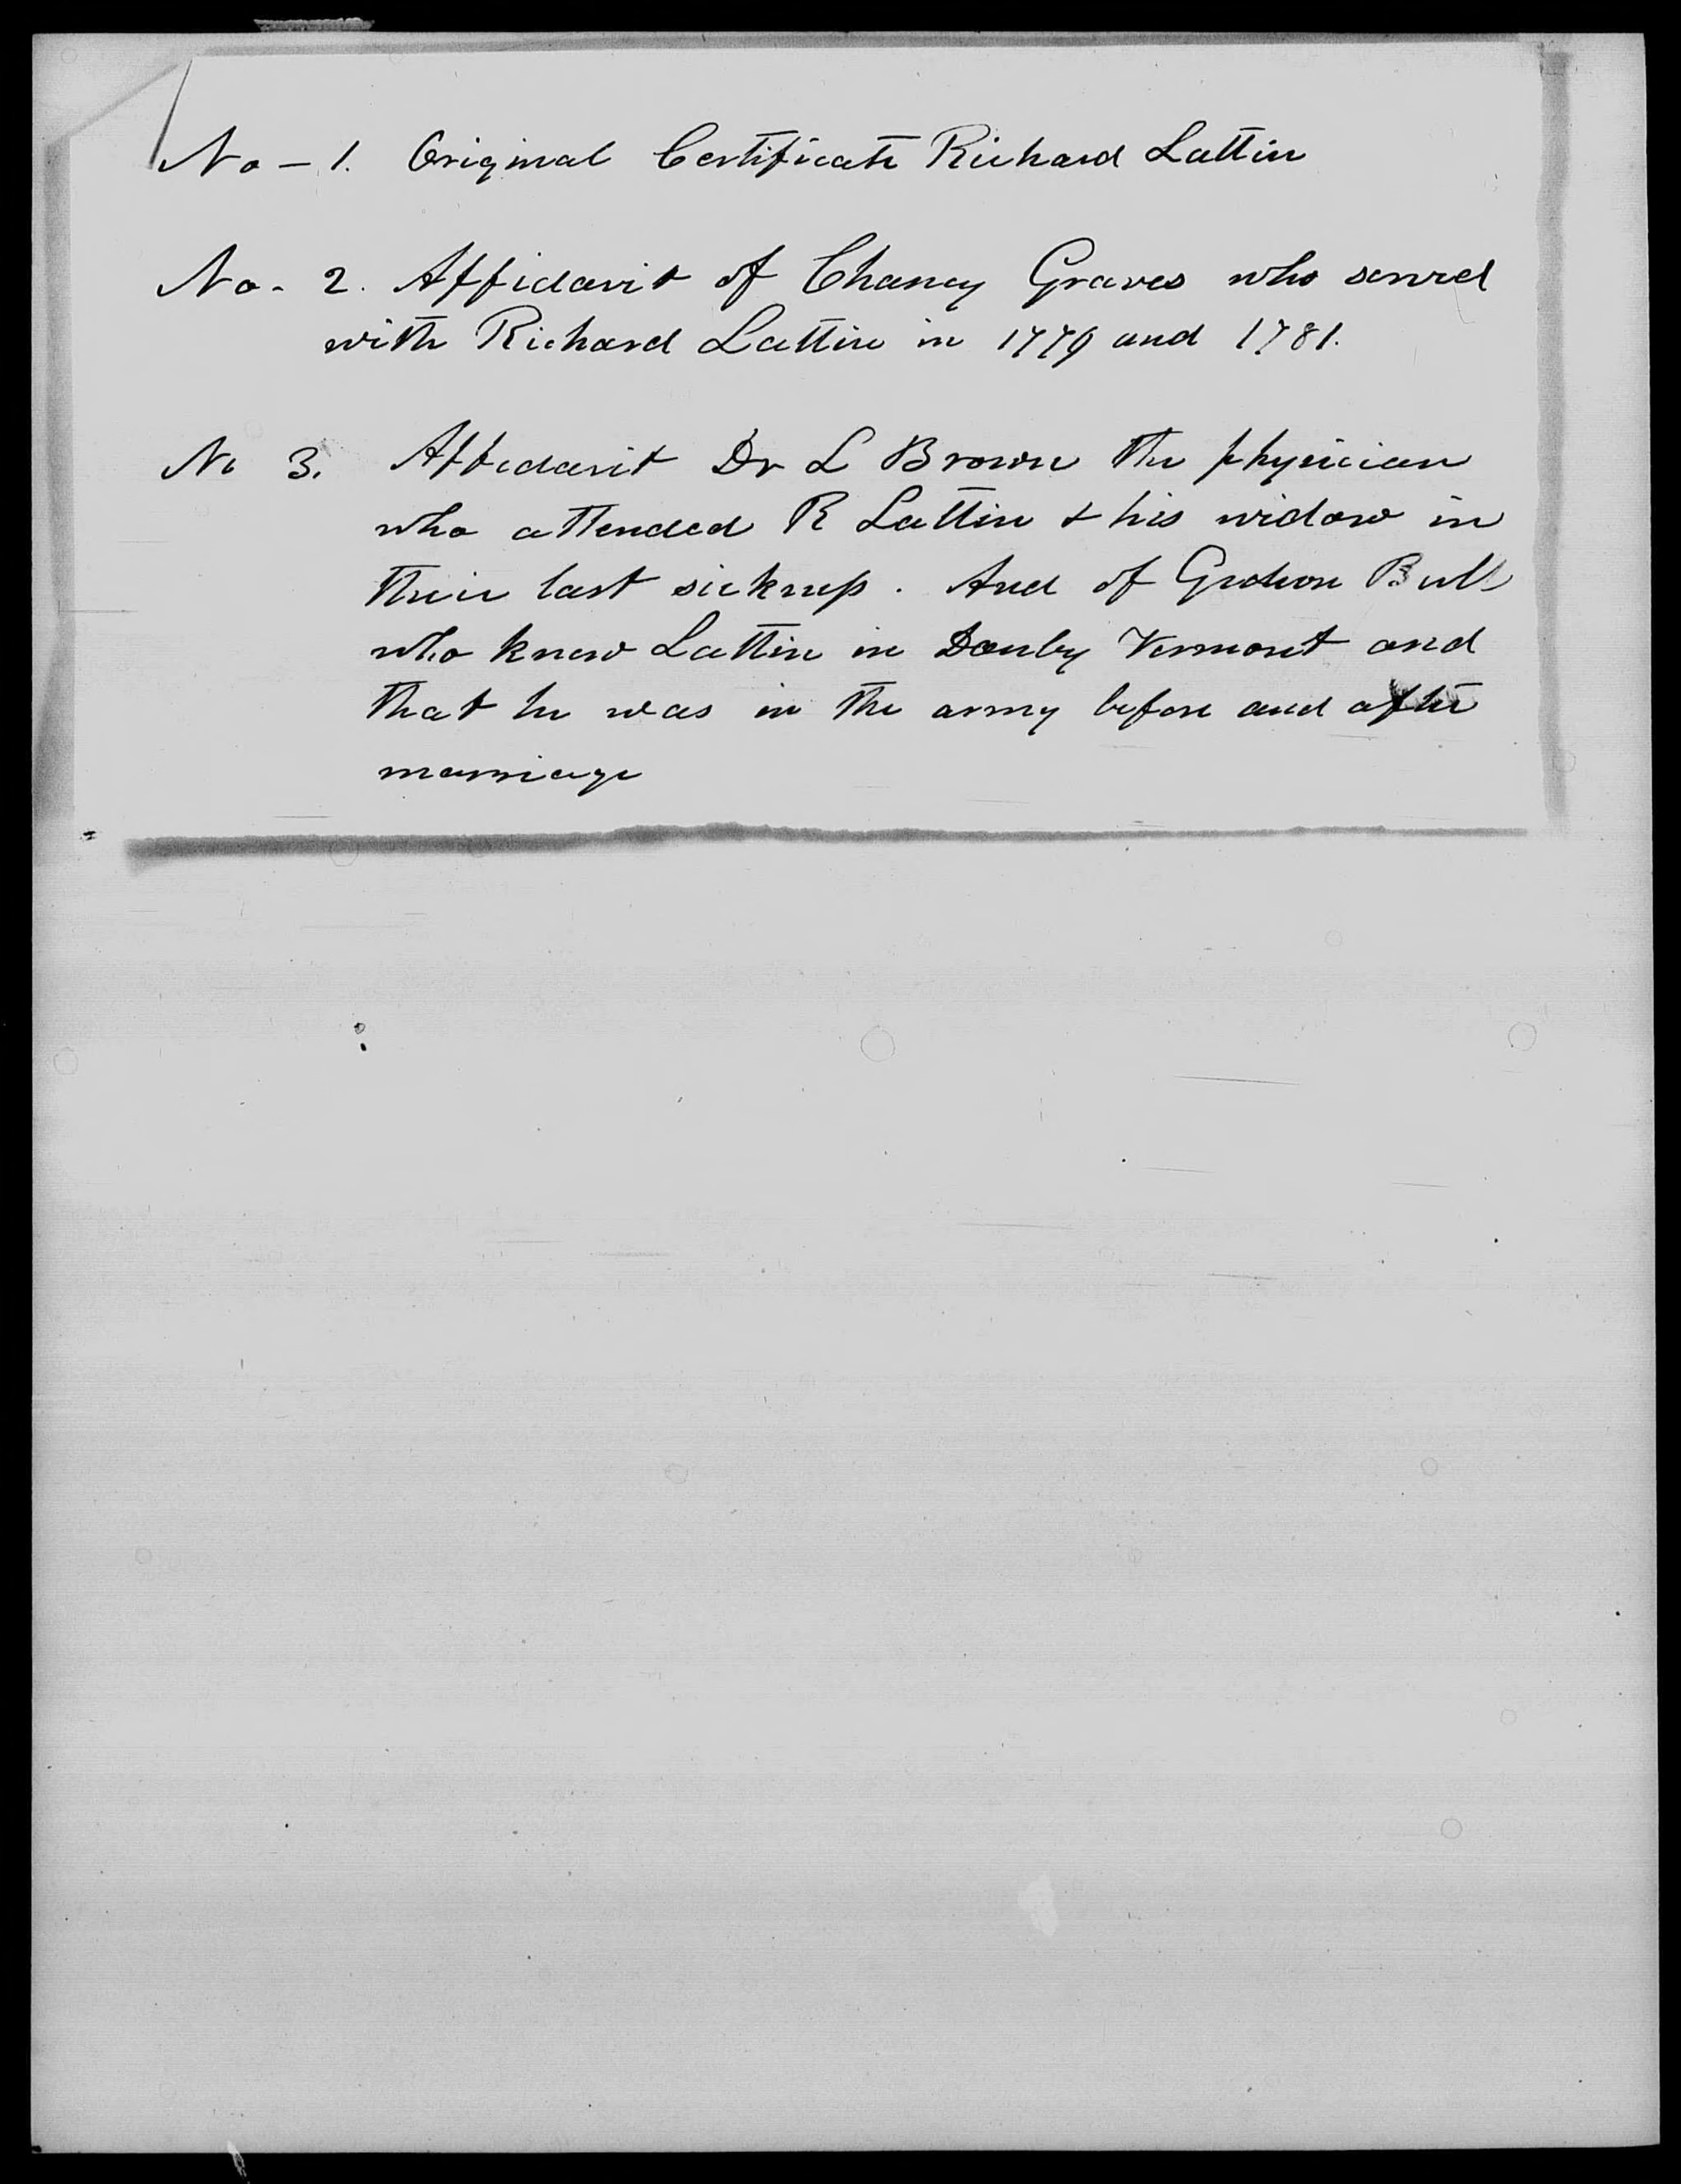No. 1. Original Certificate Richard Lattin
No. 2. Affidavit of Chancy Graves who served
with Richard Lattin in 1779 and 1781.
No. 3. Affidavit Dr L Brown the physician
who attended R Lattin & his widow in
their last sickness. And of Gideon Bull
who know Lattin in Danby Vermont and
that he was in the army before and after
marriage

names: Gideon Bull; Chancy Graves; L Brown; Richard Lattin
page: 64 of 99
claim: widow's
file: W. 24,482, for Richard Lattin, Vermont